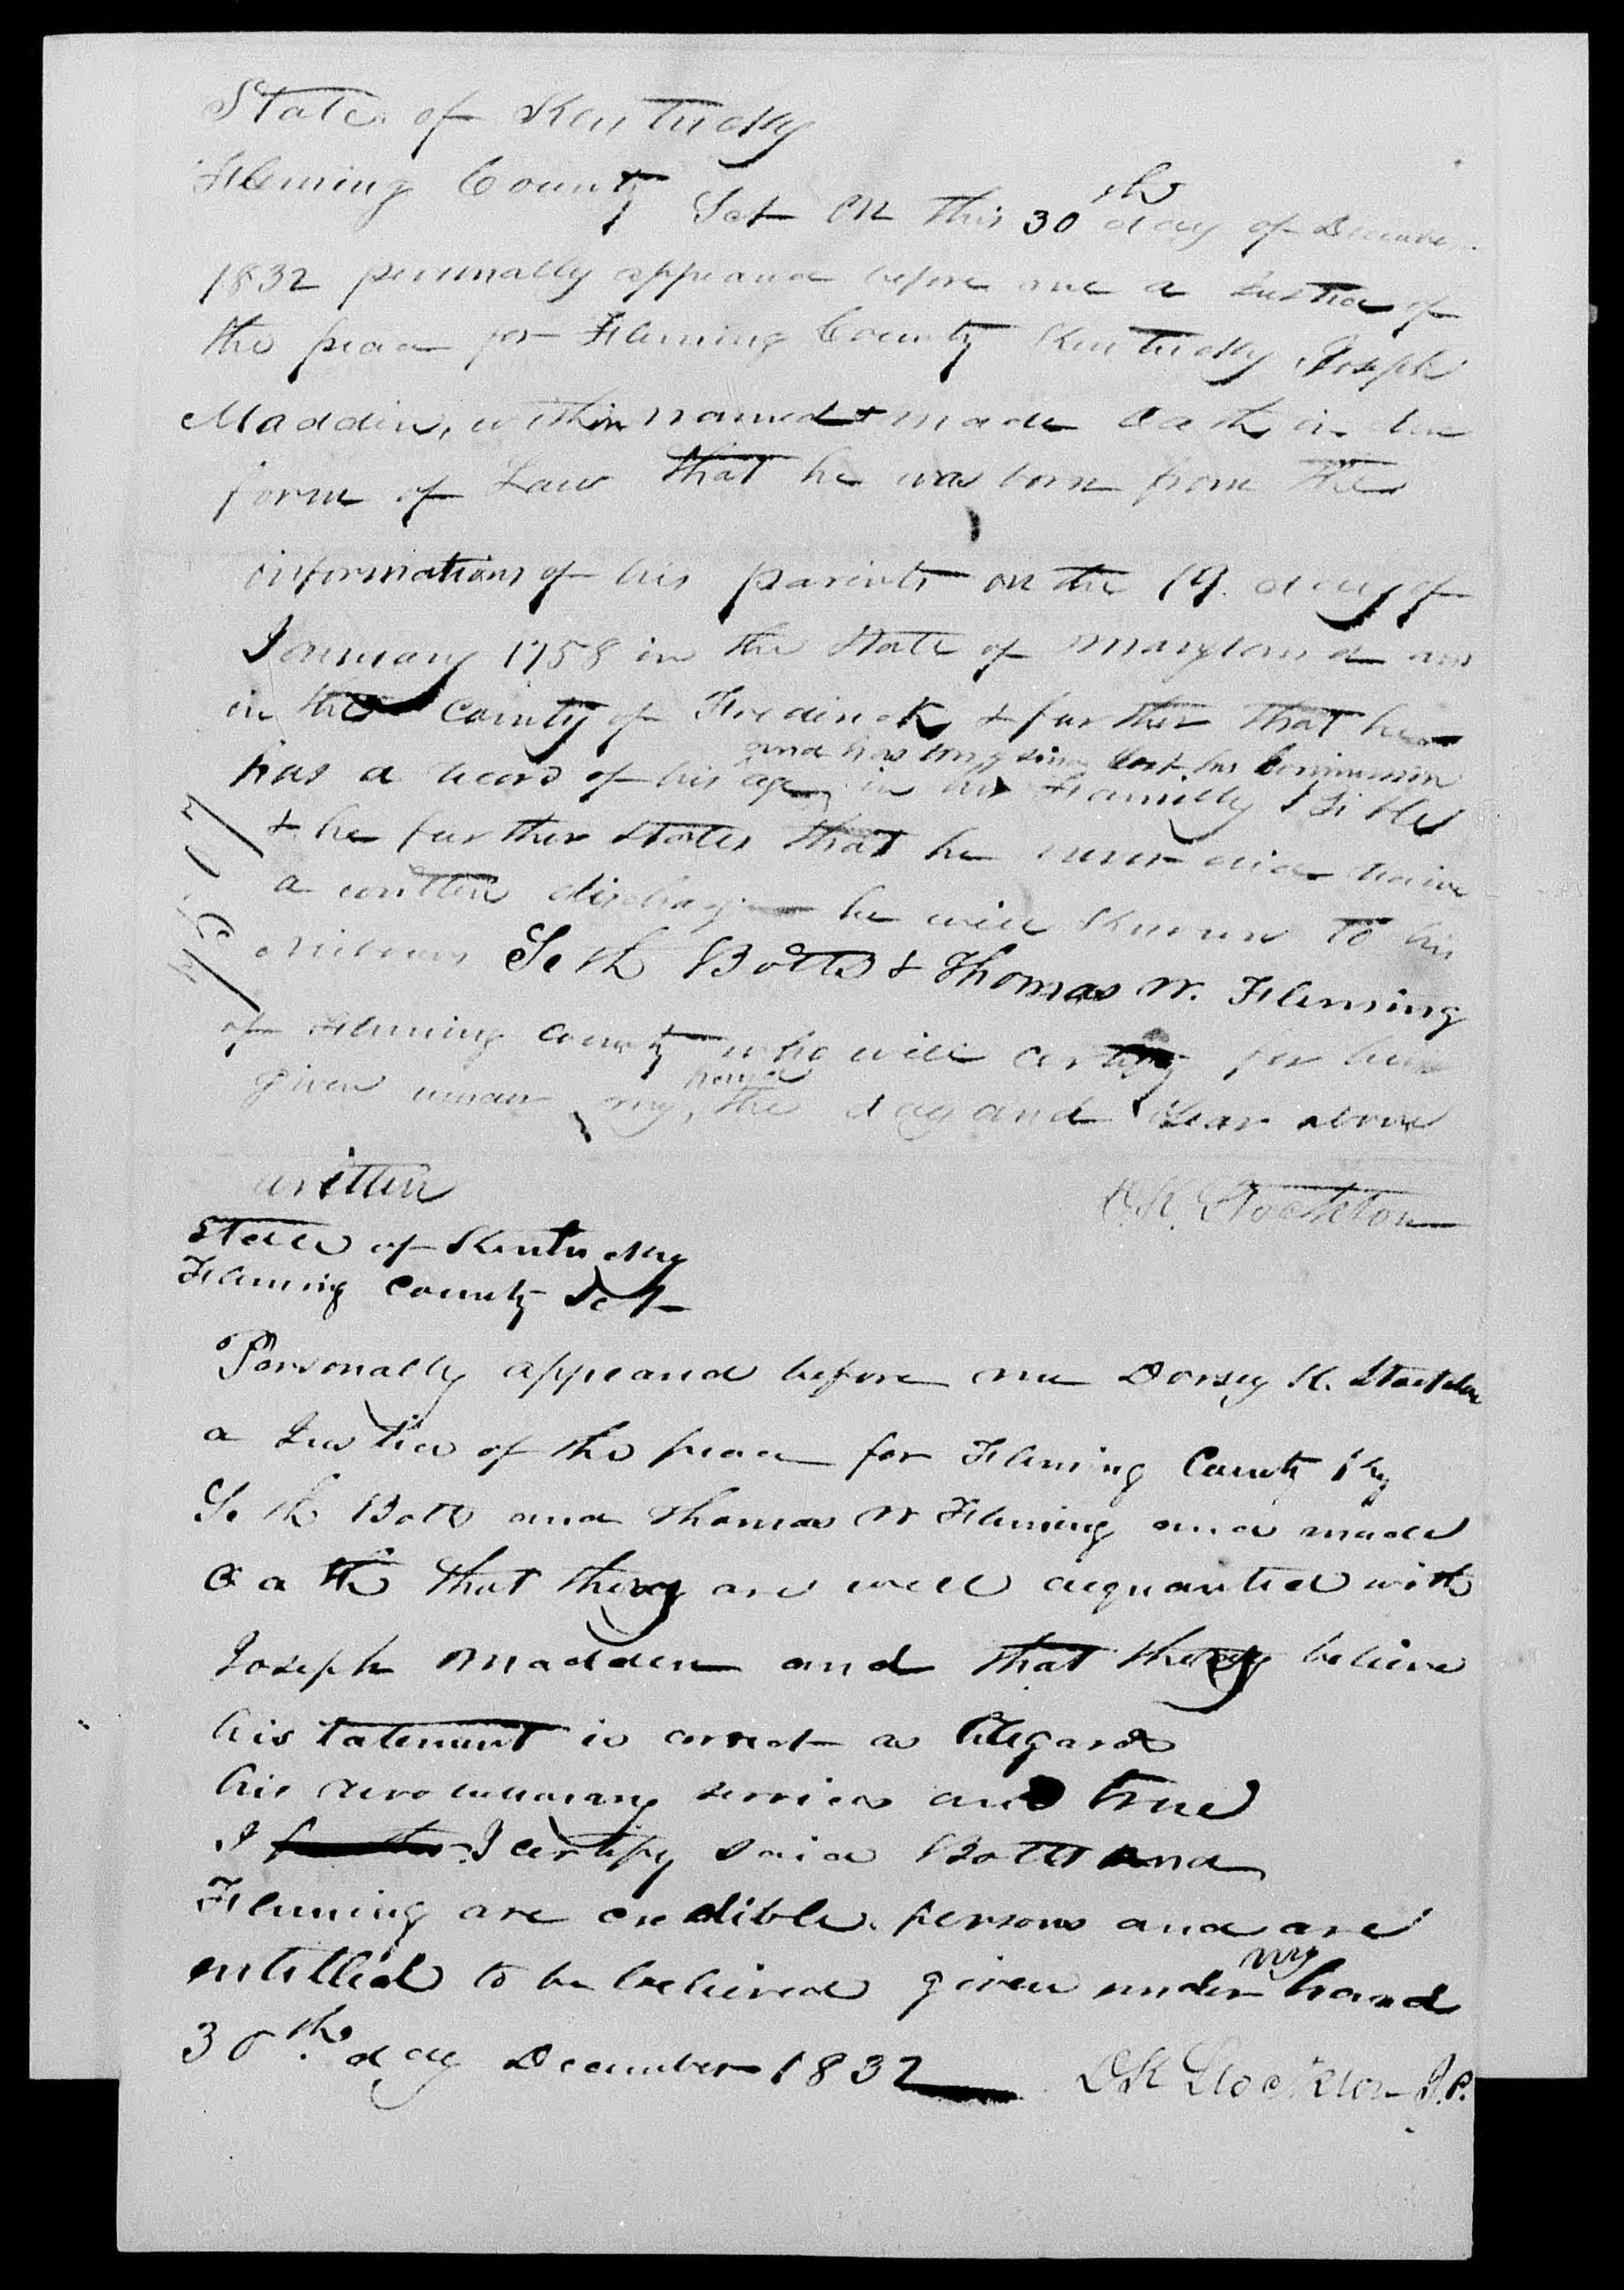State of Kentucky
Fleming County Set on this 30th day of December 1832 personally appeared before me a Justice of the peace for Fleming County Kentucky, Joseph Maddin, within named & made oath in the form of Law that he was born from the information of his parents on the 19th day of January 1758 in the State of Maryland in the County of Frederick & further that he has a record of his and his [illegible] lost his common age in his family Bible and he further states that he [illegible] a written discharge - he will [illegible] to his [illegible]
Seth Botts & Thomas W. Fleming of Fleming County who will certify for him given
[illegible] the day and year above.
DK Stockton
Written
State of Kentucky
Fleming County [illegible]
Personally appeared before me Dorsey H. Stockton a Justice of the peace for Fleming County Ky Seth Botts and Thomas W Fleming and made oath that they are well acquainted with Joseph Madden and that they believe his statement is correct as regard his revolutionary service and true
I certify said Botts and Fanning are credible persons and are entitled to be believed given under my hand
30th day December 1832
DK Stockton J.P.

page: 6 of 14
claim: survivor's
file: S 31237, for Joseph Maddin, Maryland